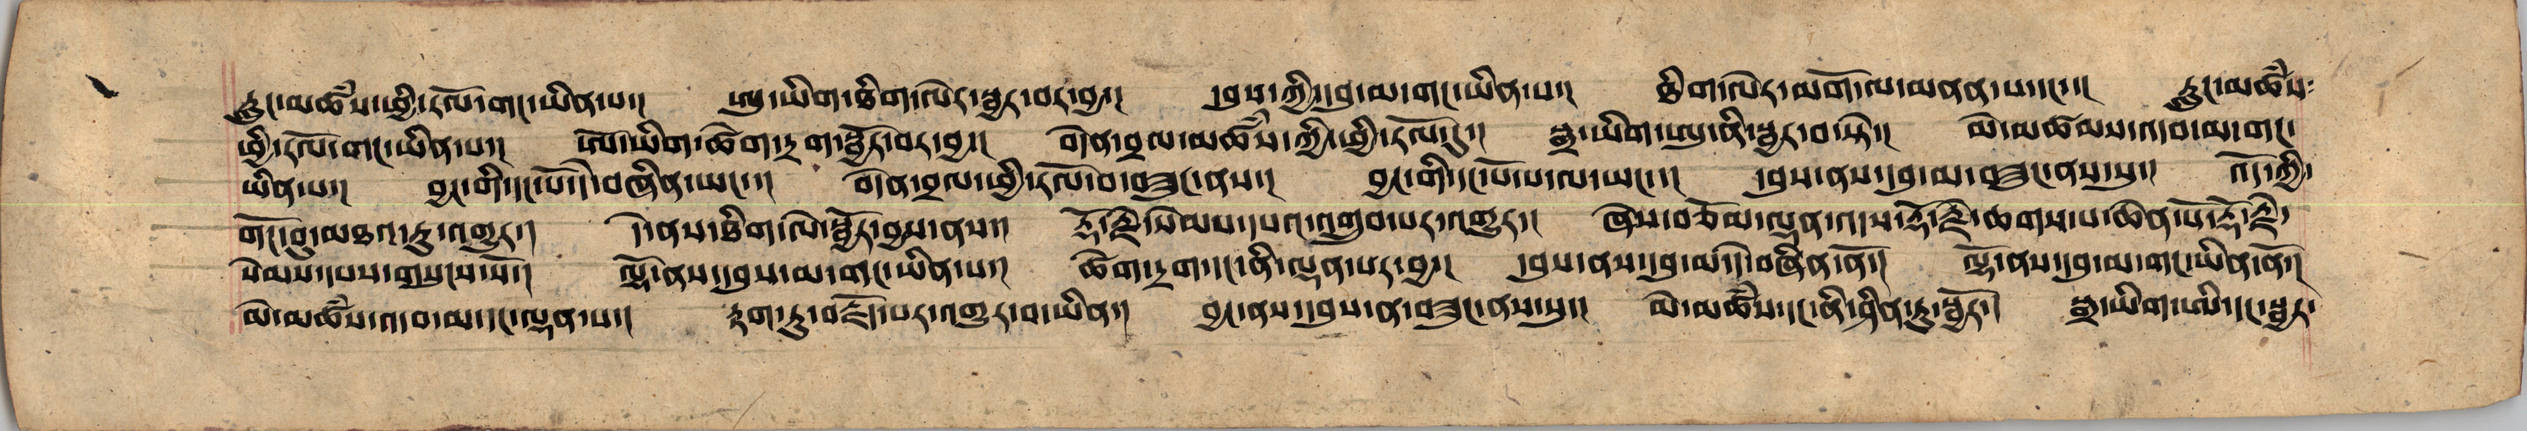རླུང་མཚཾས་ཕྱི་རོལ་གང་ཡིན་པ་། ཨུ་ཡིག་ཐིག་ལེར་སྦྱར་བར་བྱ་། དབུས་ཀྱི་དབུ་མ་གང་ཡིན་པ་། ཐིག་ལེར་མགོ་ལ་མནན་པ་དང་་། རླུང་མཚཾས་
ཕྱི་རོལ་གང་ཡིན་པ་། ཨོ་ཡིག་ཚེག་དྲག་སྦྱོར་བར་བྱ་། བདེན་བྲལ་མཚས་ཀྱི་ཕྱི་རོལ་དུ་། སྒྲ་ཡིག་ཨུ་ནི་སྦྱར་བ་སྟེ་། མེ་མཚམས་འདབ་མ་གང་
ཡིན་པ་། བྱང་གི་དང་པོ་དེ་བཞིན་ཡང་་། བདེན་བྲལ་ཕྱི་རོལ་བ་བཟུང་ནས་། བྱང་གི་དང་པོ་ས་ལ་ཡང་་། དབུས་ནས་དབུ་མ་བཟུང་ནས་སུ་། འོད་ཀྱི་
གོང་བུ་མཐའ་རུ་འགྱུར་། དེ་ནས་ཐིག་ལེ་སྦྱོར་བྱས་ནས་། རྡོ་རྗེ་སེམས་དཔའ་འགྲུབ་པར་འགྱུར་། ཞེས་བཅོམ་ལྡན་འདས་རྡོ་རྗེ་ཆགས་པ་ཆེན་པོ་རྡོ་རྗེ་
སེམས་དཔས་གསུངས་སོ་། ལྷོ་ནས་དབུས་མ་གང་ཡིན་པ་། ཚེག་དྲག་དང་ནི་ལྡན་པར་བྱ་། དབུས་ནས་དབུ་མ་དེ་བཞིན་ནོ་། ལྷོ་ནས་དབུ་མ་གང་ཡིན་ནོ་།
མེ་མཚཾས་འདབ་མ་དང་ལྡན་པ་། རྟག་ཏུ་བརྗོད་པར་འགྱུར་བ་ཡིན་། བྱང་ནས་དབུས་ནབཟུང་ནས་སུ་། མེ་མཚཾས་དང་ནི་ཤིན་ཏུ་སྦྱོར་། སྒྲ་ཡིག་ཨི་དང་སྦྱར་